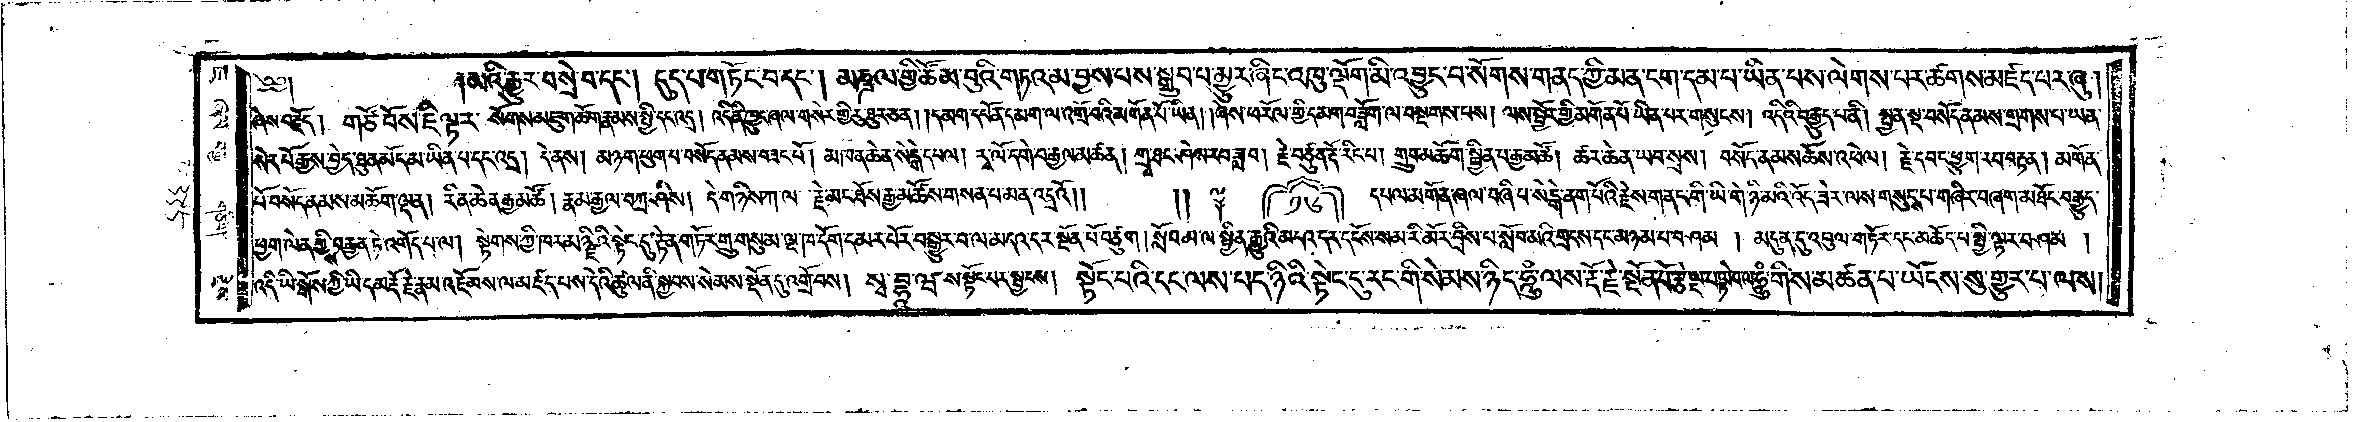༄༅། །མའི་རྒྱུར་བསྲེ་བ་དང་། དུད་པ་གཏོང་པ་དང་། མཎྜལ་གྱི་ཚོམ་བུའི་གཏའ་མ་བྱས་པས་སྒྲུབ་པ་མྱུར་ཞིང་འཁུ་ལྡོག་མི་འགྱུང་བ་སོགས་གནད་ཀྱི་མན་ངག་དམ་པ་ཡིན་པས་ལེགས་པར་ཚགས་མཛད་པར་ཞུ།
ཞེས་བརྗོད།  གཙོ་བོས་ཇི་ལྟར་སོགས་མཇུག་ཆོག་རྣམས་སྤྱི་དང་འདྲ། འདི་ནི་ཁྱུང་ཞལ་གསེར་གྱི་རུ་ཐུར་ཅན། །དམག་དཔོན་དམག་ལ་འགྲོ་བའི་མགོན་པོ་ཡིན། །ཞེས་ཕ་རོལ་གྱི་དམག་བཟློག་ལ་བསྔགས་པས། ལས་སྦྱོར་གྱི་མགོན་པོ་ཡིན་པར་གསུངས། འདིའི་བརྒྱུད་པ་ནི། སྤྱན་སྔ་བསོད་ནམས་གྲགས་པ་ཡན་
སེར་པོ་རྒྱས་བྱེད་ཐུན་མོང་མ་ཡིན་པ་དང་འདྲ། དེ་ནས། མཉག་ཕུག་པ་བསོད་ནམས་བཟང་པོ། མཁན་ཆེན་སེངྒེ་དཔལ། རྭ་ལོ་དགེ་བ་རྒྱལ་མཚན། གྲྭ་ཐང་ཤེས་རབ་ཟླ་བ། རྗེ་བཙུན་རྡོ་རིང་པ། གྲུབ་མཆོག་སྦྱིན་པ་རྒྱ་མཚོ། ཚར་ཆེན་ཡབ་སྲས། བསོད་ནམས་ཆོས་འཕེལ། རྗེ་དབང་ཕྱུག་རབ་བརྟན། མགོན་
པོ་བསོད་ནམས་མཆོག་ལྡན། རིན་ཆེན་རྒྱ་མཚོ། རྣམ་རྒྱལ་བཀྲ་ཤིས། དེ་གཉིས་ཀ་ལ་རྗེ་མང་ཐོས་རྒྱ་མཚོས་གསན་པ་མན་འདྲའོ།། །། ༈ ༼༡༦༽ དཔལ་མགོན་ཞལ་བཞི་པ་སེངྒེ་ནག་པོའི་རྗེས་གནང་གི་ཡི་གེ་ཉི་མའི་འོད་ཟེར་ལས་བསུངས་གཞིར་བཞག་མཐོང་བརྒྱུད་
ཕྱག་ལེན་གྱིས་བརྒྱན་ཏེ་འགོད་པ་ལ། སྟེགས་ཀྱི་ཁར་མཉྫིའི་སྟེང་དུ་རྟེན་གཏོར་གྲུ་གསུམ་ལྔ་ཁ་དོག་དམར་པོར་བསྒྱུར་བ་ལ་དམའ་དར་སྔོན་པོ་བཙུག །སློབ་མ་ལ་སྦྱིན་རྒྱུའི་མདའ་དར་དངོས་སམ་རི་མོར་བྲིས་པ་སློབ་མའི་གྲངས་དང་མཉམ་པ་བཤམ། མདུན་དུ་འབུལ་གཏོར་དང་མཆོད་པ་སྤྱི་ལྟར་བཤམ།
འདི་ཡི་སྒོས་ཀྱི་ཡི་དམ་རྡོ་རྗེ་རྣམ་འཇོམས་ལ་མཛད་པས་དེའི་ཚུལ་ནི་སྐྱབས་སེམས་སྔོན་དུ་འགྲོ་བས། སྭ་བྷཱ་ཝས་སྟོང་པར་སྦྱངས།  སྟོང་པའི་ངང་ལས་པད་ཉིའི་སྟེང་དུ་རང་གི་སེམས་ཉིད་ཧཱུཾ་ལས་རྡོ་རྗེ་སྔོན་པོ་རྩེ་ལྔ་པ་ལྟེ་བ་ལ་ཧཱུཾ་གིས་མཚན་པ་ཡོངས་སུ་གྱུར་པ་ལས།